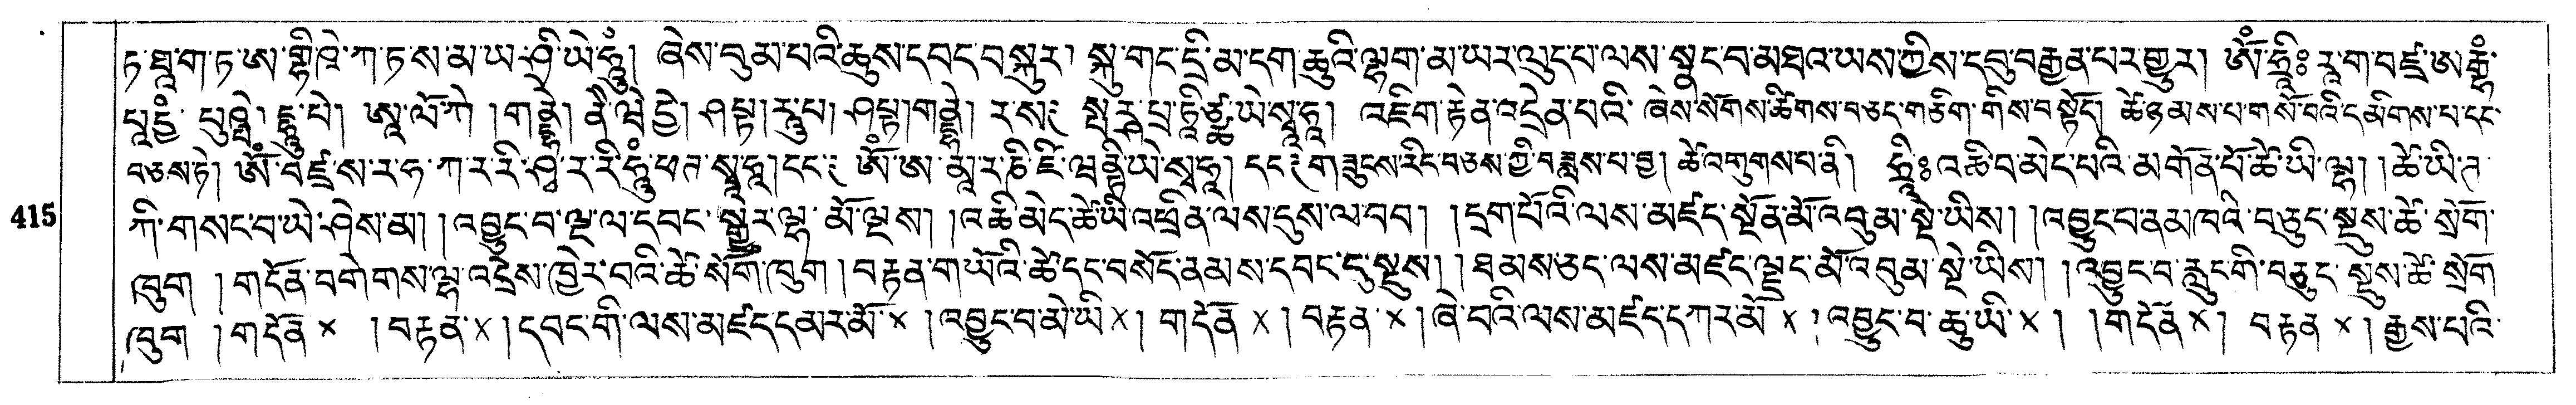ཏ་ཐཱ་ག་ཏ་ཨ་གྷི་ཥེ་ཀ་ཏ་ས་མ་ཡ་ཤྲི་ཡེ་ཧཱུཾ། ཞེས་བུམ་པའི་ཆུས་དབང་བསྐུར། སྐུ་གང་དྲི་མ་དག་ཆུའི་ལྷག་མ་ཡར་ལུད་པ་ལས་སྣང་བ་མཐའ་ཡས་ཀྱིས་དབུ་བརྒྱན་པར་གྱུར། ཨོཾ་ཧྲཱིཿ རཱ་ག་བཛྲ་ཨརྒྷཾ་
པཱདྱཾ་པུཥྤེ། དྷཱུ་པེ། ཨཱ་ལོ་ཀེ །གནྡྷེ། ནཻ་ཝེ་དྱེ། ཤཔྟ། རཱུ་པ། ཤཔྟ། གནྡྷེ། ར་ས༑ སྤརྴ་པྲ་ཏཱི་ཙྪ་ཡེ་སྭཱ་ཧཱ། འཇིག་རྟེན་འདྲེན་པའི་ཞེས་སོགས་ཚིགས་བཅད་གཅིག་གིས་བསྟོད། ཚེ་ཉམས་པ་གསོ་བའི་དམིགས་པ་དང་
བཅས་ཏེ། ཨོཾ་བཛྲ་ས་ར་ཧ་ཀ་ར་རི་ཤྭ་ར་རི་ཧཱུཾ་ཕཊ་སྭཱ་ཧཱ། དང༑ ཨོཾ་ཨ་མཱ་ར་ཎི་ཛི་ཝནྟི་ཡེ་སྭ་ཧཱ། དང༑ གཟུངས་རིང་བཅས་ཀྱི་བཟླས་པ་བྱ། ཚེ་འགུགས་པ་ནི། ཧྲཱིཿ འཆི་བ་མེད་པའི་མགོན་པོ་ཚེ་ཡི་ལྷ། །ཚེ་ཡི་ཊ་
ཀི་གསང་བ་ཡེ་ཤེས་མ། །འབྱུང་བ་ལྔ་ལ་དབང་སྒྱུར་ལྷ་མོ་ལྔས། །འཆི་མེད་ཚེ་ཡི་འཕྲིན་ལས་དུས་ལ་བབ། །དྲག་པོའི་ལས་མཛད་སྔོན་མོ་འབུམ་སྡེ་ཡིས། །འབྱུང་བ་ནམ་མཁའི་བཅུད་སྡུས་ཚེ་སྲོག་
ཁུག །གདོན་བགེགས་ལྷ་འདྲེས་ཁྱེར་བའི་ཚེ་སོག་ཁུག །བརྟན་གཡོའི་ཚེ་དང་བསོད་ནམས་དབང་དུ་སྡུས། །ཐམས་ཅད་ལས་མཛད་ལྗང་མོ་འབུམ་སྡེ་ཡིས། །འབྱུང་བ་རླུང་གི་བཅུད་སྡུས་ཚེ་སྲོག་
ཁུག །གདོན྾་།བརྟན྾། དབང་གི་ལས་མཛད་དམར་མོ྾་།འབྱུང་བ་མེ་ཡི྾། གདོན྾། བརྟན྾། ཞེ་བའི་ལས་མཛད་དཀར་མོ྾། འབྱུང་བ་ཆུ་ཡི྾། །གདོན྾། བརྟན྾། རྒྱས་པའི་